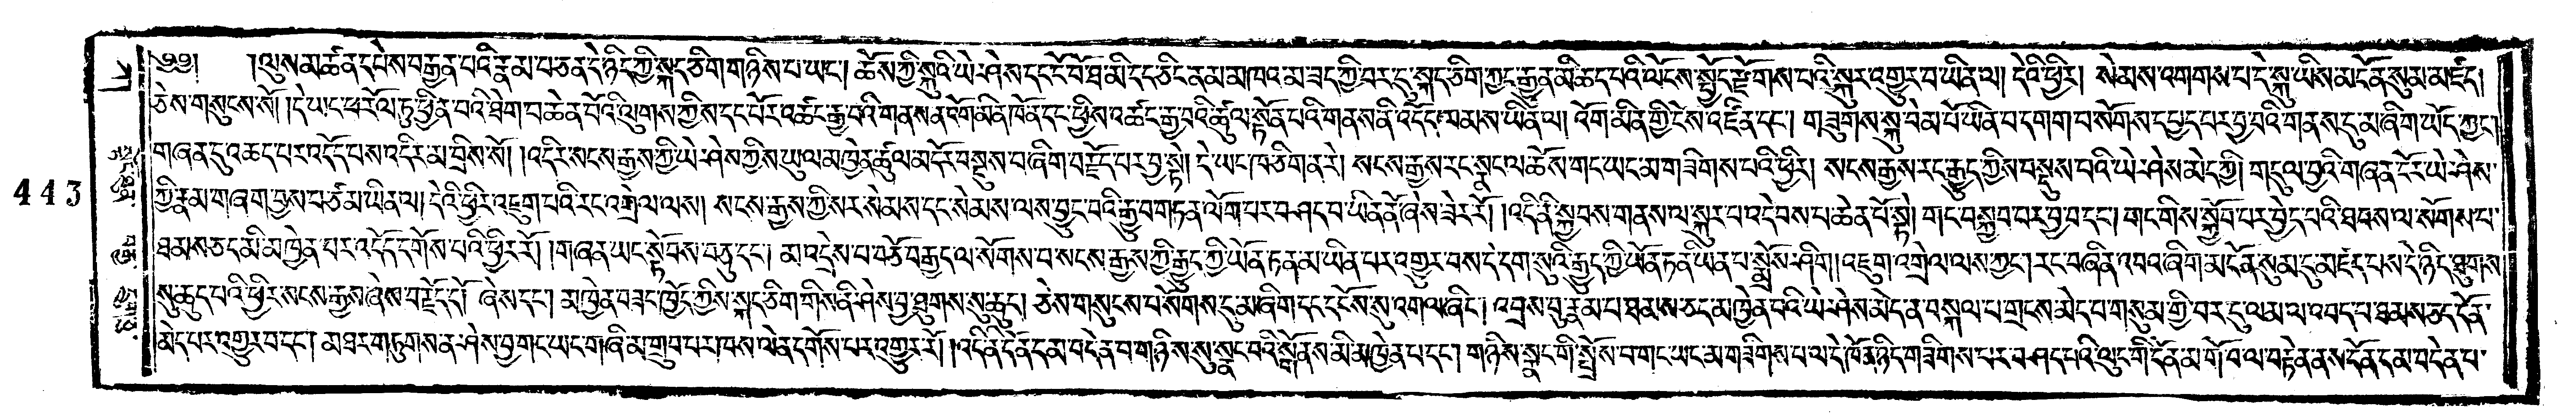༄༅། །ལུས་མཚན་དཔེས་བརྒྱན་པའི་རྣམ་བ་ཅན་དེ་ཉིད་ཀྱི་སྐད་ཅིག་གཉིས་པ་ཡང་། ཆོས་ཀྱི་སྐུའི་ཡེ་ཤེས་དང་ངོ་བོ་ཐ་མི་དང་ཅིང་ནམ་མཁའ་མ་ཟད་ཀྱི་བར་དུ་སྐད་ཅིག་ཀྱང་རྒྱུན་མི་ཆད་པའི་ལོངས་སྤྱོད་རྫོགས་པའི་སྐུར་འགྱུར་བ་ཡིན་ལ། དེའི་ཕྱིར། སེམས་འགགས་པ་དེ་སྐུ་ཡིས་མངོན་སུམ་མཛད།
ཅེས་གསུངས་སོ། །དེ་ཡང་ཕ་རོལ་ཏུ་ཕྱིན་བའི་ཐེག་པ་ཆེན་པོའི་ལུགས་ཀྱིས་དང་པོར་འཚང་རྒྱ་བའི་གནས་ན་འོག་མིན་ཁོ་ན་དང་ཕྱིས་འཚང་རྒྱ་བའི་ཚུལ་སྟོན་པའི་གནས་ནི་འདོད་ཁམས་ཡིན་ལ། འོག་མིན་གྱི་ངོས་འཛིན་དང་། གཟུགས་སྐུ་བེམ་པོ་ཡིན་པ་དགག་པ་སོགས་དཔྱད་པར་བྱ་བའི་གནས་དུ་མ་ཞིག་ཡོད་ཀྱང་
གཞན་དུ་འཆད་པར་འདོད་བས་འདིར་མ་བྲིས་སོ། །འདིར་སངས་རྒྱས་ཀྱི་ཡེ་ཤེས་ཀྱིས་ཡུལ་མཁྱེན་ཚུལ་མདོར་བསྡུས་བ་ཞིག་བརྗོད་པར་བྱ་སྟེ། དེ་ཡང་ཁ་ཅིག་ན་རེ། སངས་རྒྱས་རང་སྣང་ལ་ཆོས་གང་ཡང་མ་གཟིགས་པའི་ཕྱིར། སངས་རྒྱས་རང་རྒྱུད་ཀྱིས་བསྡུས་པའི་ཡེ་ཤེས་མེད་ཀྱི། གདུལ་བྱའི་གཞན་ངོར་ཡེ་ཤེས་
ཀྱི་རྣམ་གཞག་བྱས་བ་ཙམ་ཡིན་ལ། དེའི་ཕྱིར་འཇུག་པའི་རང་འགྲེལ་ལས། སངས་རྒྱས་ཀྱི་སར་སེམས་དང་སེམས་ལས་བྱུང་བའི་རྒྱུ་བ་གཏན་ལོག་པར་བཤད་བ་ཡིན་ནོ་ཞེས་ཟེར་རོ། །འདི་ནི་སྐྱབས་གནས་ལ་སྐུར་པ་འདེབས་པ་ཆེན་པོ་སྟེ། གང་བསྐྱབ་པར་བྱ་བ་དང་། གང་གིས་སྐྱོབ་པར་བྱེད་པའི་ཐབས་ལ་སོགས་པ་
ཐམས་ཅད་མི་མཁྱེན་པར་འདོད་དགོས་པའི་ཕྱིར་རོ། །གཞན་ཡང་སྟོབས་བཅུ་དང་། མ་འདྲེས་བ་བཅོ་བརྒྱད་ལ་སོགས་པ་སངས་རྒྱས་ཀྱི་རྒྱུད་ཀྱི་ཡོན་ཏན་མ་ཡིན་པར་འགྱུར་བས་དེ་དག་སུའི་རྒྱུད་ཀྱི་ཡོན་ཏན་ཡིན་པ་སྨྲོས་ཤིག། འཇུག་འགྲེལ་ལས་ཀྱང་། རང་བཞིན་འབའ་ཞིག་མངོན་སུམ་དུ་མཛད་བས་དེ་ཉིད་ཐུགས་
སུ་ཆུད་པའི་ཕྱིར་སངས་རྒྱས་ཞེས་བརྗོད་དོ། ཞེས་དང་། མཁྱེན་བཟང་ཁྱོད་ཀྱིས་སྐད་ཅིག་གིས་ནི་ཤེས་བྱ་ཐུགས་སུ་ཆུད། ཅེས་གསུངས་པ་སོགས་དུ་མ་ཞིག་དང་དངོས་སུ་འགལ་ཞིང་། འབྲས་བུ་རྣམ་པ་ཐམས་ཅད་མཁྱེན་བའི་ཡེ་ཤེས་མེད་ན་བསྐལ་པ་གྲངས་མེད་བ་གསུམ་གྱི་བར་དུ་ལམ་ལ་འབད་པ་ཐམས་ཅད་དོན་
མེད་པར་འགྱུར་བ་དང་། མཐར་གཏུགས་ན་ཤེས་བྱ་གང་ཡང་གཞི་མ་གྲུབ་པར་ཁས་ལེན་དགོས་པར་འགྱུར་རོ། །འདི་ནི་དོན་དམ་བདེན་བ་གཉིས་སུ་སྣང་བའི་སྒོ་ནས་མི་མཁྱེན་པ་དང་། གཉིས་སྣང་གི་སྤྲོས་བ་གང་ཡང་མ་གཟིགས་པ་ལ་དེ་ཁོ་ན་ཉིད་གཟིགས་པར་བཤད་པའི་ལུང་གི་དོན་མ་གོ་བ་ལ་བརྟེན་ནས་དོན་དམ་བདེན་པ་